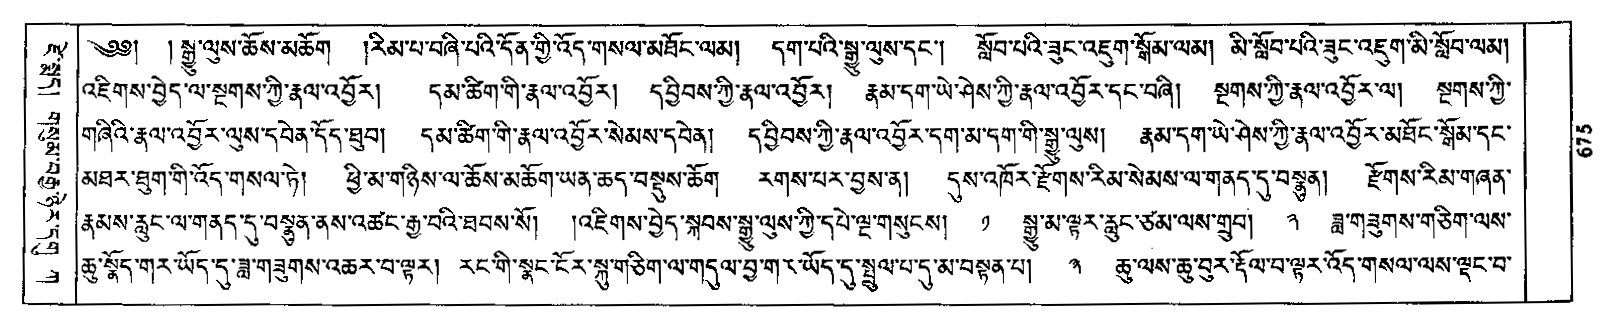༄༅། །སྒྱུ་ལུས་ཆོས་མཆོག །རིམ་པ་བཞི་པའི་དོན་གྱི་འོད་གསལ་མཐོང་ལམ། དག་པའི་སྒྱུ་ལུས་དང་། སློབ་པའི་ཟུང་འཇུག་སྒོམ་ལམ། མི་སློབ་པའི་ཟུང་འཇུག་མི་སློབ་ལམ།
འཇིགས་བྱེད་ལ་སྔགས་ཀྱི་རྣལ་འབྱོར། དམ་ཚིག་གི་རྣལ་འབྱོར། དབྱིབས་ཀྱི་རྣལ་འབྱོར། རྣམ་དག་ཡེ་ཤེས་ཀྱི་རྣལ་འབྱོར་དང་བཞི། སྔགས་ཀྱི་རྣལ་འབྱོར་ལ། སྔགས་ཀྱི་
གཞིའི་རྣལ་འབྱོར་ལུས་དབེན་དོད་ཐུབ། དམ་ཚིག་གི་རྣལ་འབྱོར་སེམས་དབེན། དབྱིབས་ཀྱི་རྣལ་འབྱོར་དག་མ་དག་གི་སྒྱུ་ལུས། རྣམ་དག་ཡེ་ཤེས་ཀྱི་རྣལ་འབྱོར་མཐོང་སྒོམ་དང་
མཐར་ཐུག་གི་འོད་གསལ་ཏེ། ཕྱི་མ་གཉིས་ལ་ཆོས་མཆོག་ཡན་ཆད་བསྡུས་ཆོག་རགས་པར་བྱས་ན། དུས་འཁོར་རྫོགས་རིམ་སེམས་ལ་གནད་དུ་བསྣུན། རྫོགས་རིམ་གཞན་
རྣམས་རླུང་ལ་གནད་དུ་བསྣུན་ནས་འཚང་རྒྱ་བའི་ཐབས་སོ། །འཇིགས་བྱེད་སྐབས་སྒྱུ་ལུས་ཀྱི་དཔེ་ལྔ་གསུངས། ༡་སྒྱུ་མ་ལྟར་རླུང་ཙམ་ལས་གྲུབ། ༢་ཟླ་གཟུགས་གཅིག་ལས་
ཆུ་སྣོད་གར་ཡོད་དུ་ཟླ་གཟུགས་འཆར་བ་ལྟར། རང་གི་སྣང་ངོར་སྐུ་གཅིག་ལ་གདུལ་བྱ་གར་ཡོད་དུ་སྤྲུལ་པ་དུ་མ་བསྟན་པ། ༣་ཆུ་ལས་ཆུ་བུར་རྡོལ་བ་ལྟར་འོད་གསལ་ལས་ལྡང་བ་